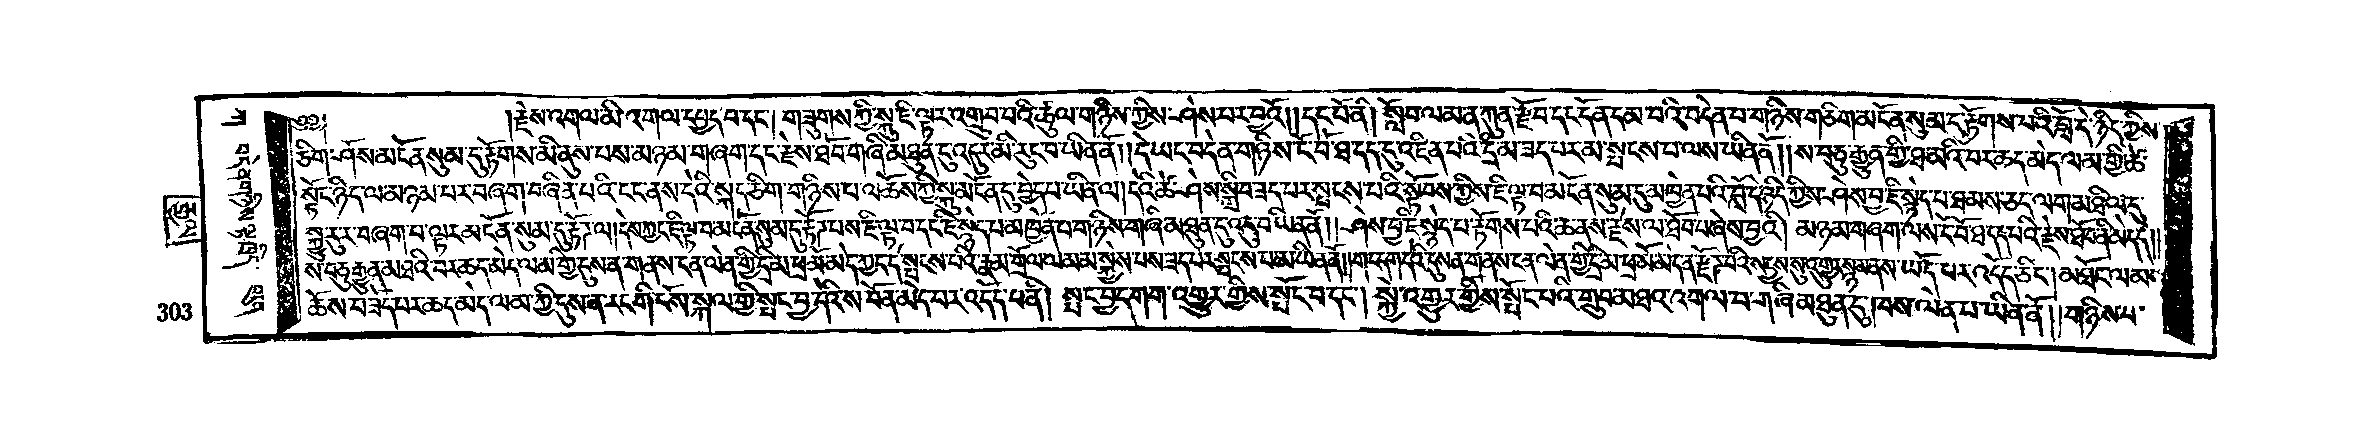༄༅། །རྗེས་འགལ་མི་འགལ་དཔྱད་པ་དང་། གཟུགས་ཀྱི་སྐུ་ཇི་ལྟར་འགྲུབ་པའི་ཚུལ་གཉིས་ཀྱིས་ཤེས་པར་བྱའོ། །དང་པོ་ནི། སློབ་ལམ་ན་ཀུན་རྫོབ་དང་དོན་དམ་པའི་བདེན་པ་གཉིས་གཅིག་མངོན་སུམ་དུ་རྟོགས་པའི་བློ་དེ་ཉིད་ཀྱིས་
ཅིག་ཤོས་མངོན་སུམ་དུ་རྟོགས་མི་ནུས་པས་མཉམ་གཞག་དང་རྗེས་ཐོབ་གཞི་མཐུན་དུ་འདུར་མི་རུང་བ་ཡིན་ནོ། །དེ་ཡང་བདེན་གཉིས་ངོ་བོ་ཐ་དད་དུ་འཛིན་པའི་དྲི་མ་ཟད་པར་མ་སྤངས་པ་ལས་ཡིན་ནོ། །ས་བཅུ་རྒྱུན་གྱི་ཐ་མའི་བར་ཆད་མེད་ལམ་གྱི་ཚེ་
སྟོང་ཉིད་ལ་མཉམ་པར་བཞག་བཞིན་པའི་ངང་ནས་དེའི་སྐད་ཅིག་གཉིས་པ་ལ་ཆོས་ཀྱི་སྐུ་མངོན་དུ་བྱེད་པ་ཡིན་ལ། དེའི་ཚེ་ཤེས་སྒྲིབ་ཟད་པར་སྤངས་པའི་སྟོབས་ཀྱིས་ཇི་ལྟ་བ་མངོན་སུམ་དུ་མཁྱེན་པའི་བློ་དེ་ཉིད་ཀྱིས་ཤེས་བྱ་ཇི་སྙེད་པ་ཐམས་ཅད་ལག་མཐིལ་དུ་
སྐྱུ་རུ་ར་བཞག་པ་ལྟར་མངོན་སུམ་དུ་རྟོགས་ལ། དེས་ཀྱང་ཇི་ལྟ་བ་མངོན་སུམ་དུ་རྟོགས་པས་ཇི་ལྟ་བ་དང་ཇི་སྙེད་པ་མཁྱེན་པ་གཉིས་གཞི་མཐུན་དུ་འདུ་བ་ཡིན་ནོ། །ཤེས་བྱ་ཇི་སྙེད་པ་རྟོགས་པའི་ཆ་ནས་རྗེས་ལ་ཐོབ་པ་ཞེས་བྱའི། མཉམ་གཞག་ལས་ངོ་བོ་ཐ་དད་པའི་རྗེས་ཐོབ་ནི་མེད་དོ། །
ས་བཅུ་རྒྱུན་མཐའི་བར་ཆད་མེད་ལམ་གྱི་དུས་ན་གནས་ངན་ལེན་གྱི་དྲི་མ་ཕྲ་མོ་མེད་ཀྱང་དེ་སྤངས་པའི་རྣམ་གྲོལ་ལམ་མ་སྐྱེས་པས་ཟད་པར་སྤངས་པ་མ་ཡིན་ནོ། །གང་དག་དེའི་དུས་ན་གནས་ངན་ལེན་གྱི་དྲི་མ་ཕྲ་མོ་མེད་ན་རྫོགས་པའི་སངས་རྒྱས་སུ་འགྱུར་སྙམ་ནས་ཡོད་པར་འདོད་ཅིང་། མཐོང་ལམ་
ཆོས་བཟོད་པར་ཆད་མེད་ལམ་གྱི་དུས་ན་རང་གི་ངོས་སྐལ་གྱི་སྤང་བྱ་དེའི་ས་བོན་མེད་པར་འདོད་པ་ནི། སྤང་བྱ་དགག་འགྱུར་གྱིས་སྤོང་བ་དང་། སྐྱེ་འགྱུར་གྱིས་སྤོང་བའི་གྲུབ་མཐའ་འགལ་བ་གཞི་མཐུན་དུ་ཁས་ལེན་པ་ཡིན་ནོ། །གཉིས་པ་